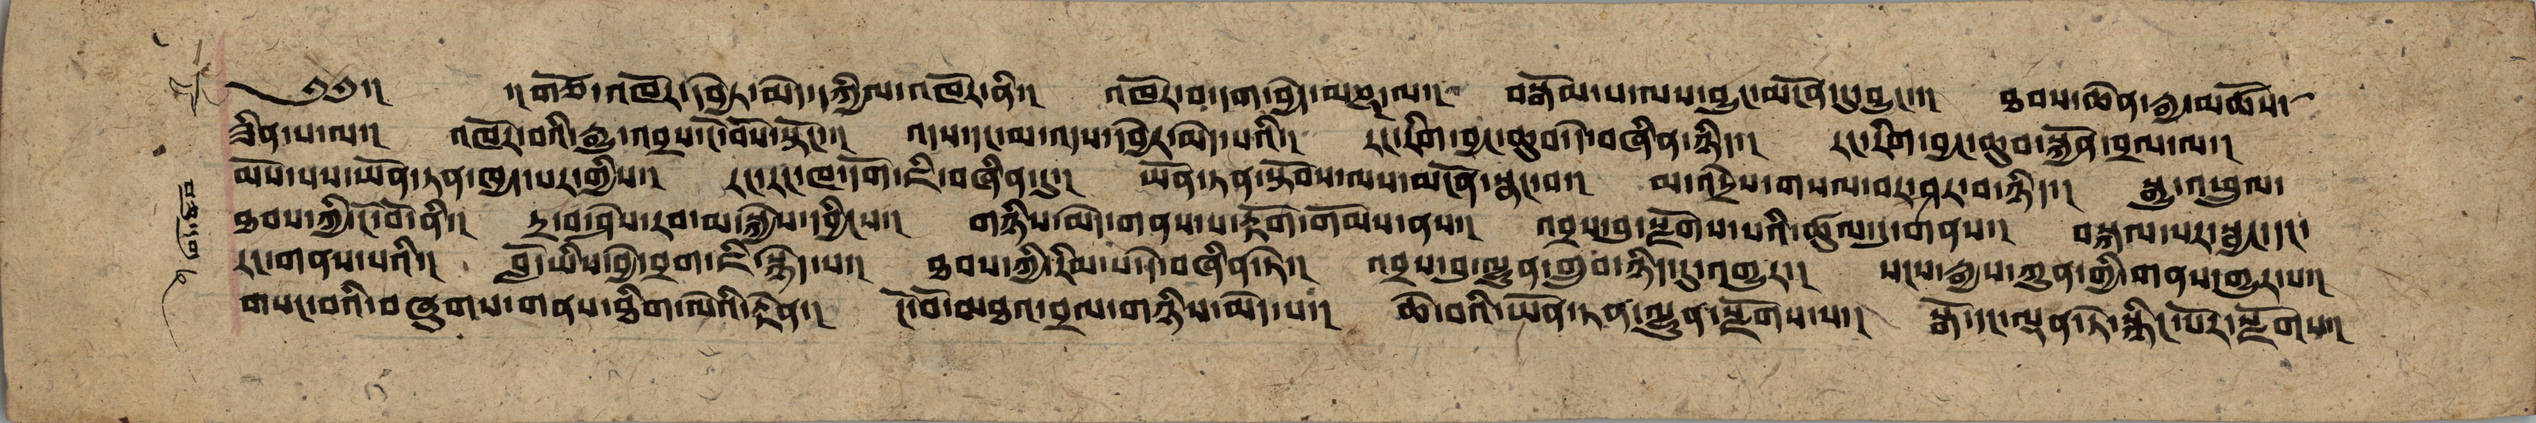༄༅་། ་།གཙོ་འཁོར་དབྱེར་མེད་དཀྱིལ་འཁོར་ནི་། འཁོར་བ་དག་བྱེད་མཎྜ་ལ་། བསྒོམ་པ་ལས་བྱུང་མངོན་དུ་བྱུང་་། ཐབས་ཆེན་རྒྱ་མཚོས་
ཟིན་པ་ལ་། འཁོར་བའི་རྒྱུ་འབྲས་ངོ་བོས་སྟོང་་། འདས་དང་མ་འདས་དབྱེར་མེད་པའི་། རང་རིག་བྱང་ཆུབ་དེ་བཞིན་ཉིད་། རང་རིག་བྱང་ཆུབ་སྐྱོན་བྲལ་ལ་།
མོས་པས་ཡོན་ཏན་ཁྱད་པར་གྱིས་། རང་རང་ཁ་དོག་ཇི་བཞིན་དུ་། ཡོན་ཏན་སྟོབས་ལས་མངོན་སྣང་བ་། མ་འདྲེས་གསལ་བར་ཤར་བ་ཉིད་། སྒྱུ་འཕྲུལ་
ཐབས་ཀྱི་ངོ་བོ་ནི་། དྲ་བ་ཤེས་རབ་མ་སྐྱེས་དབྱིངས་། གཉིས་མེད་གནས་པ་རྟོག་གོམས་ནས་། འབྲས་བུ་སྫོགས་པའི་ཚུལ་དུ་གནས་། བསྐལ་པར་སྦྱང་དང་
རང་གནས་པའི་། བློ་ཡིས་བྱེ་བྲག་ཇི་སྙེད་པ་ ཐབས་ཀྱི་རིམ་པ་དེ་བཞིན་ཏེ་། འབྲས་བུ་ལྷུན་གྲུབ་ཉིད་དུ་འགྱུར་། སངས་རྒྱས་ཀུན་གྱི་གནས་གྱུར་པ་།
གསང་བའི་བཞུགས་གནས་ཐིག་ལེའི་རྟེན་། ངོ་བོ་མཐའ་བྲལ་གཉིས་མེད་པ་། ཆེ་བའི་ཡོན་ཏན་ལྷུན་སྫོགས་པ་། སྒོ་དང་ལྡན་ཏེ་སྙིང་པོར་སྫོགས་།